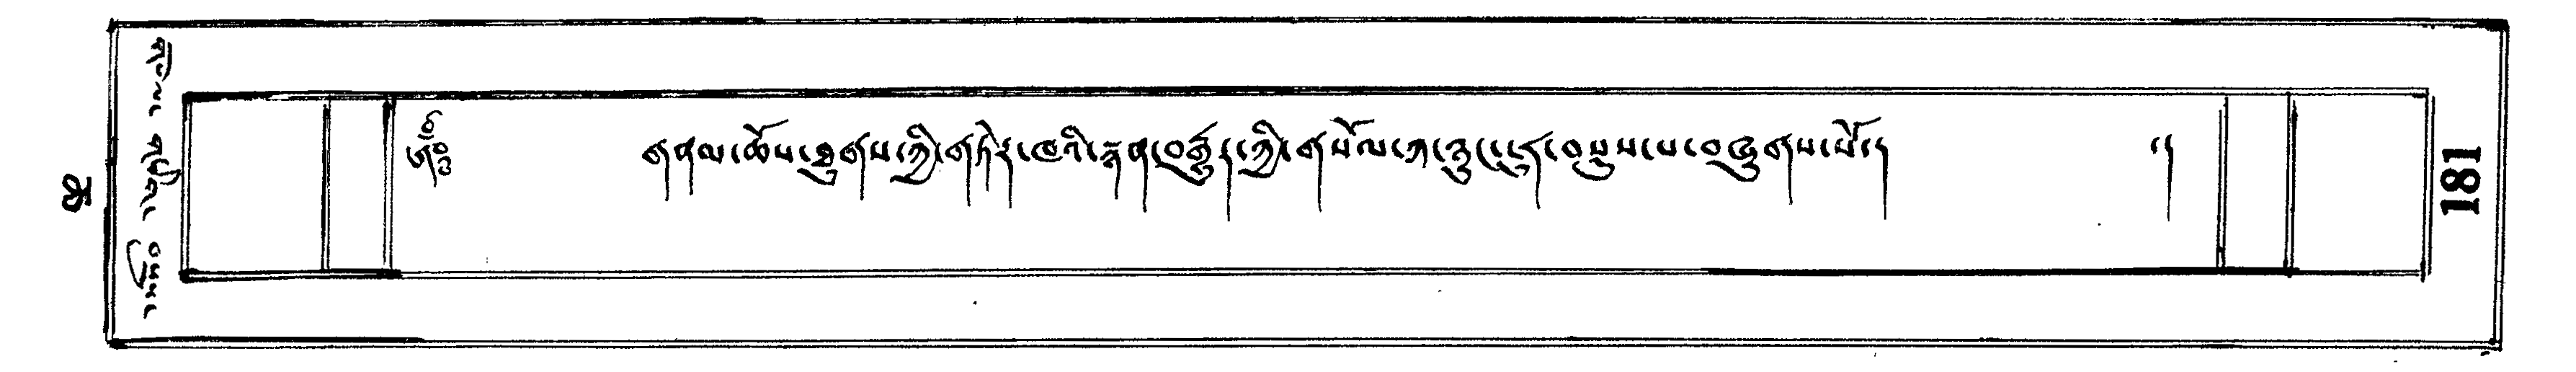༄༅། གནམ་ཆོས་ཐུགས་ཀྱི་གཏེར་ཁའི་སྙན་བརྒྱུད་ཀྱི་གསོལ་ཀ་ཉུང་ངུར་བསྡུས་པ་བཞུགས་སོ།།